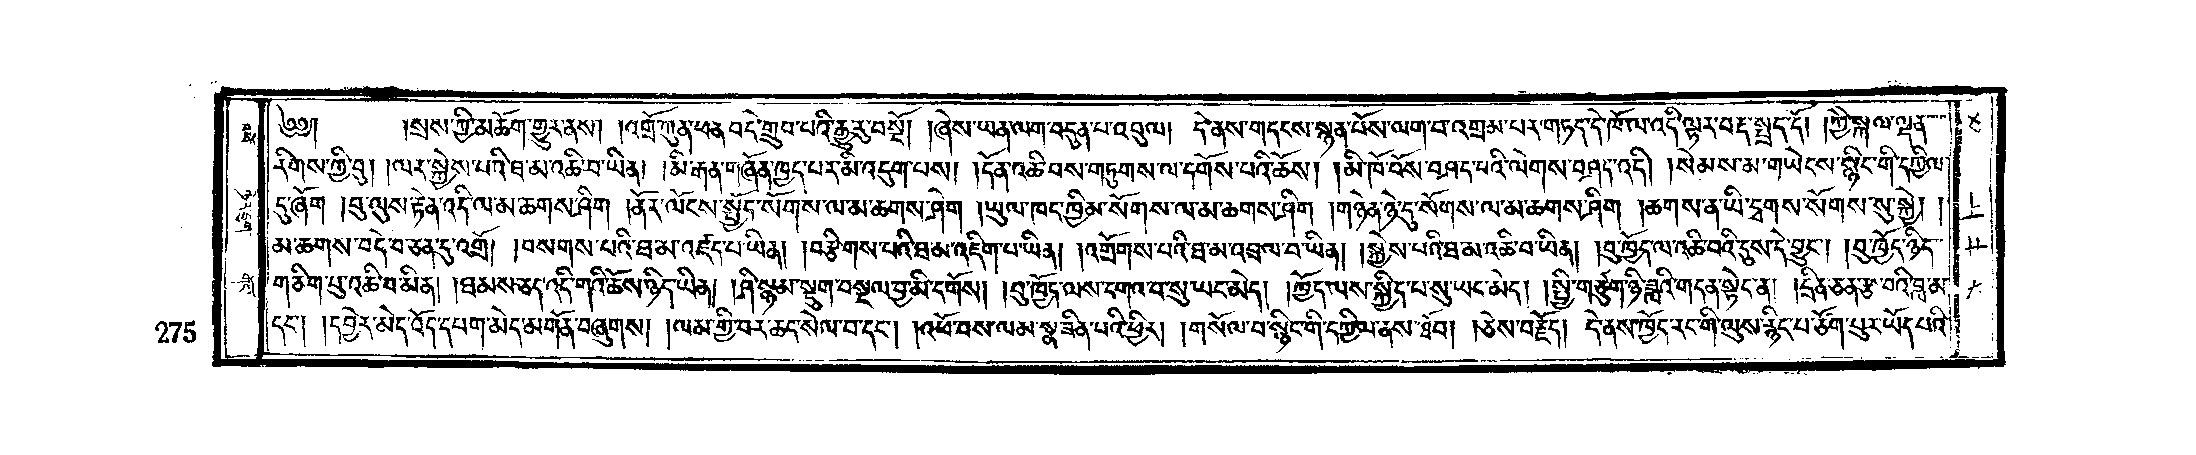༄༅། །སྲས་ཀྱི་མཆོག་གྱུར་ནས། །འགྲོ་ཀུན་ཕན་བདེ་གྲུབ་པའི་རྒྱུ་རུ་བསྔོ། །ཞེས་ཡན་ལག་བདུན་པ་འབུལ། དེ་ནས་གདངས་སྙན་པོས་ལག་པ་འགྲམ་པར་གཏད་དེ་ཁོ་ལ་འདི་ལྟར་བརྡ་སྤྲད་དོ། །ཀྱཻ་སྐལ་ལྡན་
རིགས་ཀྱི་བུ། །ལར་སྐྱེས་པའི་ཐ་མ་འཆི་བ་ཡིན། །མི་རྒན་གཞོན་ཁྱད་པར་མི་འདུག་པས། །དོན་འཆི་བས་གཏུགས་ལ་དགོས་པའི་ཆོས། །མི་ཁོ་བོས་བཤད་པའི་ལེགས་བཤད་འདི། །སེམས་མ་གཡེངས་སྙིང་གི་དཀྱིལ་
དུ་ཞོག །བུ་ལུས་རྟེན་འདི་ལ་མ་ཆགས་ཤིག །ནོར་ལོངས་སྤྱོད་སོགས་ལ་མ་ཆགས་ཤིག །ཡུལ་ཁང་ཁྱིམ་སོགས་ལ་མ་ཆགས་ཤིག །གཉེན་ཉེ་དུ་སོགས་ལ་མ་ཆགས་ཤིག །ཆགས་ན་ཡི་དྭགས་སོགས་སུ་སྐྱེ། །
མ་ཆགས་བདེ་བ་ཅན་དུ་འགྲོ། །བསགས་པའི་ཐ་མ་འཛད་པ་ཡིན། །བརྩིགས་པའི་ཐ་མ་འཇིག་པ་ཡིན། །འགྲོགས་པའི་ཐ་མ་འབྲལ་བ་ཡིན། །སྐྱེས་པའི་ཐ་མ་འཆི་བ་ཡིན། །བུ་ཁྱོད་ལ་འཆི་བའི་དུས་དེ་བྱུང་། །བུ་ཁྱོད་ཉིད་
གཅིག་པུ་འཆི་བ་མིན། །ཐམས་ཅད་འདི་གའི་ཆོས་ཉིད་ཡིན། །ཤི་སྙམ་སྡུག་བསྔལ་བྱ་མི་དགོས། །བུ་ཁྱོད་ལས་དགའ་བ་སུ་ཡང་མེད། །ཁྱོད་ལས་སྐྱིད་པ་སུ་ཡང་མེད། །སྤྱི་གཙུག་ཉི་ཟླའི་གདན་སྟེང་ན། །དྲིན་ཅན་རྩ་བའི་བླ་མ་
དང་། །དབྱེར་མེད་འོད་དཔག་མེད་མགོན་བཞུགས། །ལམ་གྱི་བར་ཆད་སེལ་བ་དང་། །འཕོ་བས་ལམ་སྣ་ཟིན་པའི་ཕྱིར། །གསོལ་བ་སྙིང་གི་དཀྱིལ་ནས་ཐོབ། །ཅེས་བརྗོད། དེ་ནས་ཁྱོད་རང་གི་ལུས་རྙིང་པ་ཙོག་པུར་ཡོད་པའི་